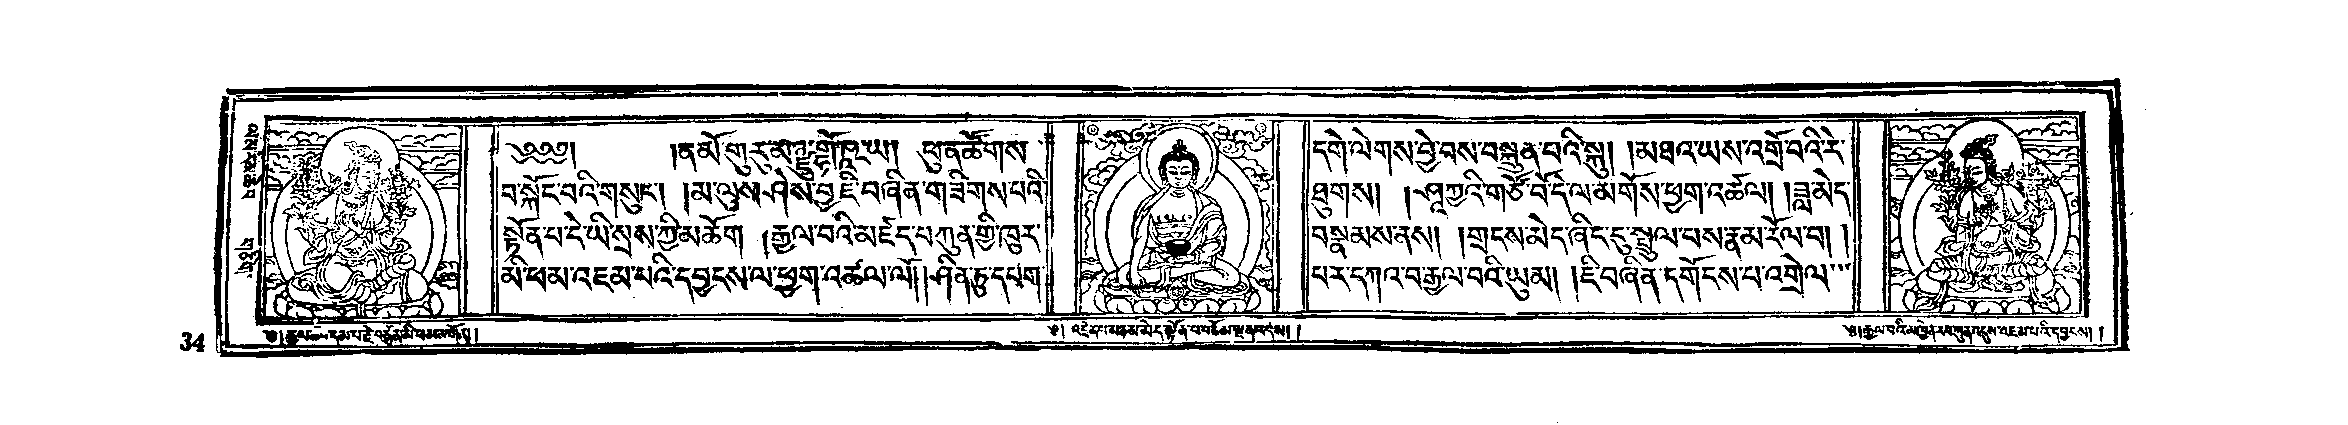བ་སྐོང་བའི་གསུང་། །མ་ལུས་ཤེས་བྱ་ཇི་བཞིན་གཟིགས་པའི་ཐུགས། །ཤཱཀྱའི་གཙོ་བོ་དེ་ལ་མགོས་ཕྱག་འཚལ། །ཟླ་མེད་
སྟོན་པ་དེ་ཡི་སྲས་ཀྱི་མཆོག །རྒྱལ་བའི་མཛད་པ་ཀུན་གྱི་ཁུར་བསྣམས་ནས། །གྲངས་མེད་ཞིང་དུ་སྤྲུལ་པས་རྣམ་རོལ་པ། །
མི་ཕམ་འཇམ་པའི་དབྱངས་ལ་ཕྱག་འཚལ་ལོ། །ཤིན་ཏུ་དཔག་པར་དཀའ་བ་རྒྱལ་བའི་ཡུམ། །ཇི་བཞིན་དགོངས་པ་འགྲེལ་